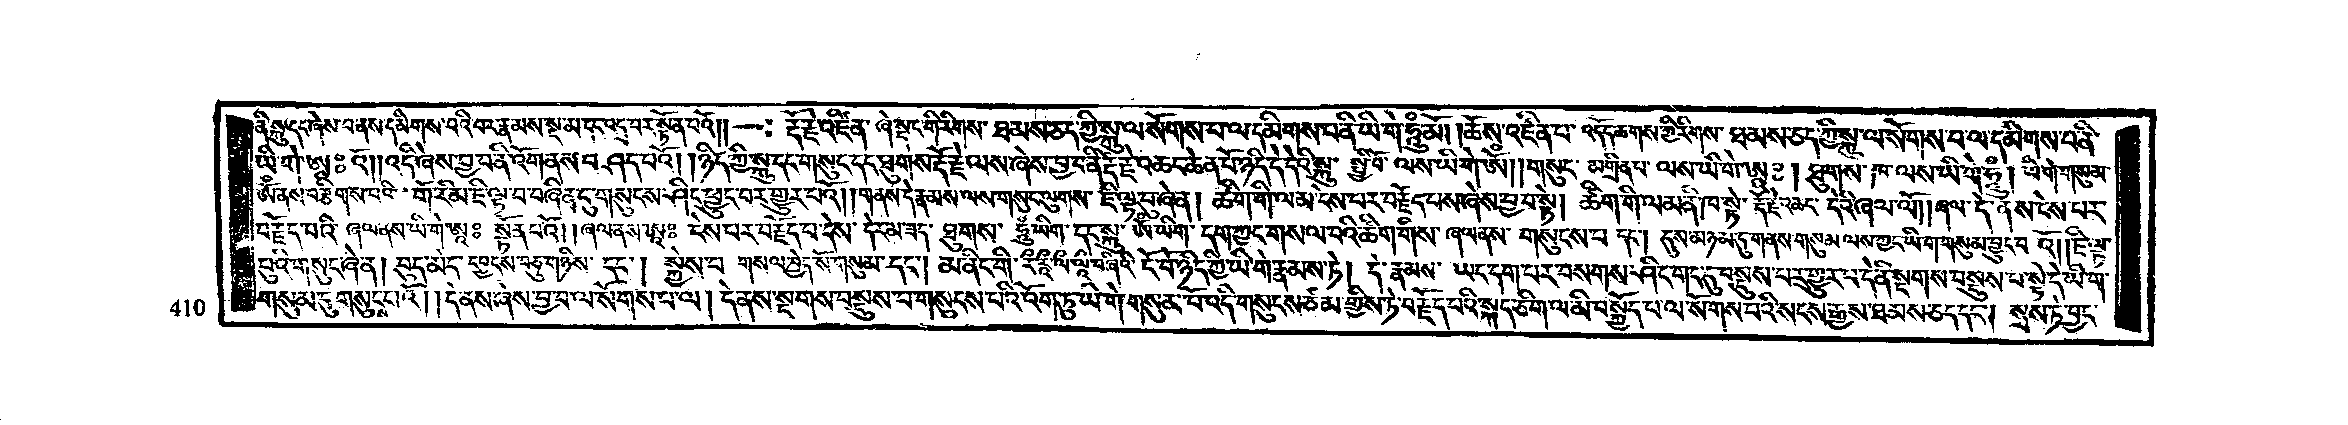ནི་སྐུ་དང་ཞེས་པ་ནས་དམིགས་པའི་པར་རྣམས་སྔ་མ་དང་འདྲ་བར་སྟོན་པའོ།། .H རྡོ་རྗེ་འཛིན་ཞེ་སྡང་གི་རིགས་ཐམས་ཅད་ཀྱི་སྐུ་ལ་སོགས་པ་ལ་དམིགས་པ་ནི་ཡི་གེ་ཧཱུཾ་མོ། །ཆོས་འཛིན་པ་འདོད་ཆགས་ཀྱི་རིགས་ཐམས་ཅད་ཀྱི་སྐུ་ལ་སོགས་པ་ལ་དམིགས་པ་ནི་
ཡི་གེ་ཨཱཿ འོ། །འདི་ཞེས་བྱ་བ་ནི་འོག་ནས་བཤད་པའོ། །ཉིད་ཀྱི་སྐུ་དང་གསུང་དང་ཐུགས་རྡོ་རྗེ་ལས་ཞེས་བྱ་བ་ནི་རྡོ་རྗེ་འཆང་ཆེན་པོ་ཉིད་དེ་དེའི་སྐུ་སྤྱི་བོ་ལས་ཡི་གེ་ཨོཾ། །གསུང་མགྲིན་པ་ལས་ཡི་གེ་ཨཱཿ། ཐུགས་ཁ་ལས་ཡི་གེ་ཧཱུཾ། ཡི་གེ་གསུམ་
ཨོཾ་ནས་བརྩིགས་པའི་གོ་རིམ་ཇི་ལྟ་བ་བཞིན་དུ་གསུངས་ཤིང་ཕྱུང་བར་གྱུར་པའོ། ། གནས་དེ་རྣམས་ལས་གསུང་ལུགས་ཇི་ལྟ་བུ་ཞེ་ན། ཚིག་གི་ལམ་ངེས་པར་བརྗོད་པས་ཞེས་བྱ་བ་སྟེ། ཚིག་གི་ལམ་ནི་ཁ་སྟེ་རྡོ་རྗེ་འཆང་དེའི་ཞལ་ལོ། ། ཞལ་དེ་ནས་ངེས་པར་
བརྗོད་པའི་ཞལ་ནས་ཡི་གེ་ཨཱཿ་སྟོན་པའོ། ། ཞལ་ནས་ཨཱཿ་ངེས་པར་བརྗོད་པ་དེས་དེར་མ་ཟད་ཐུགས་ཧཱུཾ་ཡིག་དང་སྐུ་ཨོཾ་ཡིག་དག་ཀྱང་གསལ་བའི་ཚིག་གིས་ཞལ་ནས་གསུངས་པ་དང་། དུས་མ་ཉམ་དུ་གནས་གསུམ་ལས་ཀྱང་ཡི་གེ་གསུམ་བྱུང་བའོ། །ཇི་ལྟ་
བུའི་གསུང་ཞེ་ན། བུད་མེད་དབྱངས་བཅུ་གཉིས་དང་། སྐྱེས་པ་གསལ་བྱེད་སོ་གསུམ་དང་། མ་ནིང་གི་རྀ་རཱྀ་ལྀ་ལཱྀ་བཞིའི་ངོ་བོ་ཉིད་ཀྱི་ཡི་གེ་རྣམས་ཏེ། དེ་རྣམས་ཡང་དག་པར་བསགས་ཤིང་གང་དུ་བསྡུས་པར་གྱུར་པ་དེ་ནི་སྔགས་བསྡུས་པ་སྟེ་དེ་ཡི་
གེ་གསུམ་དུ་གསུངས་པའོ། །དེ་ནས་ཞེས་བྱ་བ་ལ་སོགས་པ་ལ། དེ་ནས་སྔགས་བསྡུས་པ་གསུངས་པའི་འོག་ཏུ་ཡི་གེ་གསུམ་པོ་འདི་གསུངས་ཙམ་གྱིས་ཏེ་བརྗོད་པའི་སྐད་ཅིག་ལ་མི་བསྐྱོད་པ་ལ་སོགས་པའི་སངས་རྒྱས་ཐམས་ཅད་དང་། སྲས་ཏེ་བྱང་